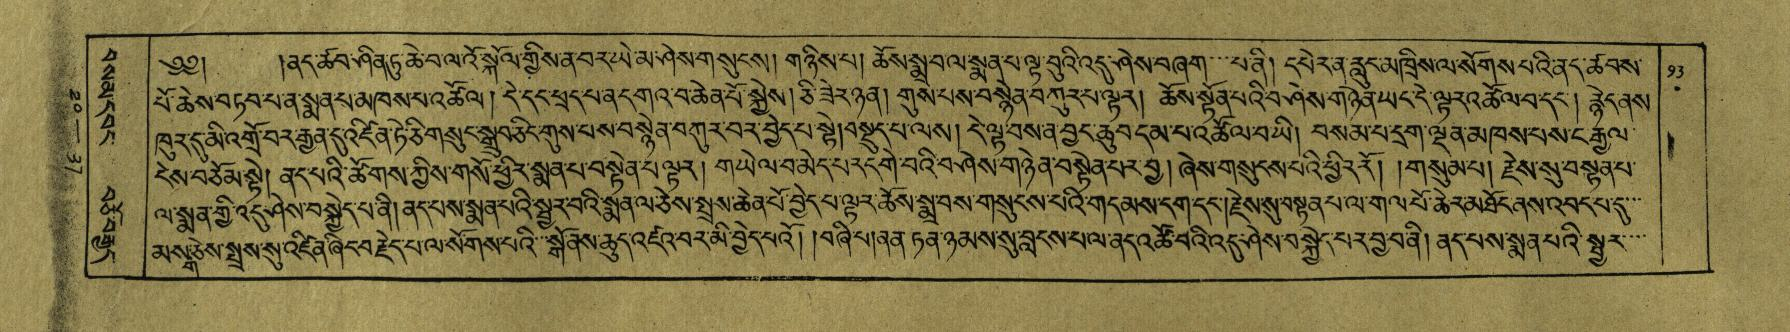༄༅། །ནད་ཚབ་ཤིན་ཏུ་ཆེ་བ་ལ་འོ་སྐོལ་གྱིས་ན་བར་ཡེ་མ་ཤེས་གསུངས། གཉིས་པ། ཆོས་སྨྲ་བ་ལ་སྨན་པ་ལྟ་བུའི་འདུ་ཤེས་བཞག་པ་ནི། དཔེར་ན་རླུང་མཁྲིས་ལ་སོགས་པའི་ནད་ཚབས་
པོ་ཆེས་བཏབ་པ་ན་སྨན་པ་མཁས་པའི་ཚོལ། དེ་དང་ཕྲད་པ་ན་དགའ་བ་ཆེན་པོ་སྐྱེས། ཅི་ཟེར་ཉན། གུས་པས་བསྙེན་བཀུར་པ་ལྟར། ཆོས་སྟོན་པའི་བཤེས་གཉེན་ཡང་དེ་ལྟར་འཚོལ་བ་དང་། རྙེད་ནས་
ཁུར་དུ་མི་འགྲོ་བར་རྒྱན་དུ་འཛིན་ཏེ་ཅི་གསུང་སྒྲུབ་ཅིང་གུས་པས་བསྙེན་བཀུར་བར་བྱེད་པ་སྟེ། བསྡུད་པ་ལས། དེ་ལྟ་བས་ན་བྱང་ཆུབ་དམ་པ་འཚོལ་བ་ཡི། བསམ་པ་དྲག་ལྡན་མཁས་པས་ང་རྒྱལ་
ངེས་བཅོམ་སྟེ། ནད་པའི་ཚོགས་ཀྱིས་གསོ་ཕྱིར་སྨན་པ་བསྟེན་པ་ལྟར། གཡེལ་བ་མེད་པར་དགེ་བའི་བཤེས་གཉེན་བསྟེན་པར་བྱ། ཞེས་གསུངས་པའི་ཕྱིར་རོ། །གསུམ་པ། རྗེས་སུ་བསྟན་པ་
ལ་སྨན་གྱི་འདུ་ཤེས་བསྐྱེད་པ་ནི། ནད་པས་སྨན་པའི་སྦྱར་བའི་སྨན་ལ་ཅེས་སྤྲས་ཆེན་པོ་བྱེད་པ་ལྟར་ཆོས་སྨྲ་བས་གསུངས་པའི་གདམས་ངག་དང་།རྗེས་སུ་བསྟན་པ་ལ་གལ་པོ་ཆེར་མཐོང་ནས་འབད་པ་དུ་
མས་ག་ཅེས་སྤྲས་སུ་འཛིན་ཞིང་བརྗེད་པ་ལ་སོགས་པའི་སྒོ་ནས་ཆུད་འཛའ་བར་མི་བྱེད་པའོ། །བཞི་པ། ནན་ཏན་ཉམས་སུ་བླངས་པ་ལ་ནད་འཚོ་བའི་འདུ་ཤེས་བསྐྱེད་པར་བྱ་བ་ནི། ནད་པས་སྨན་པའི་སྦྱར་